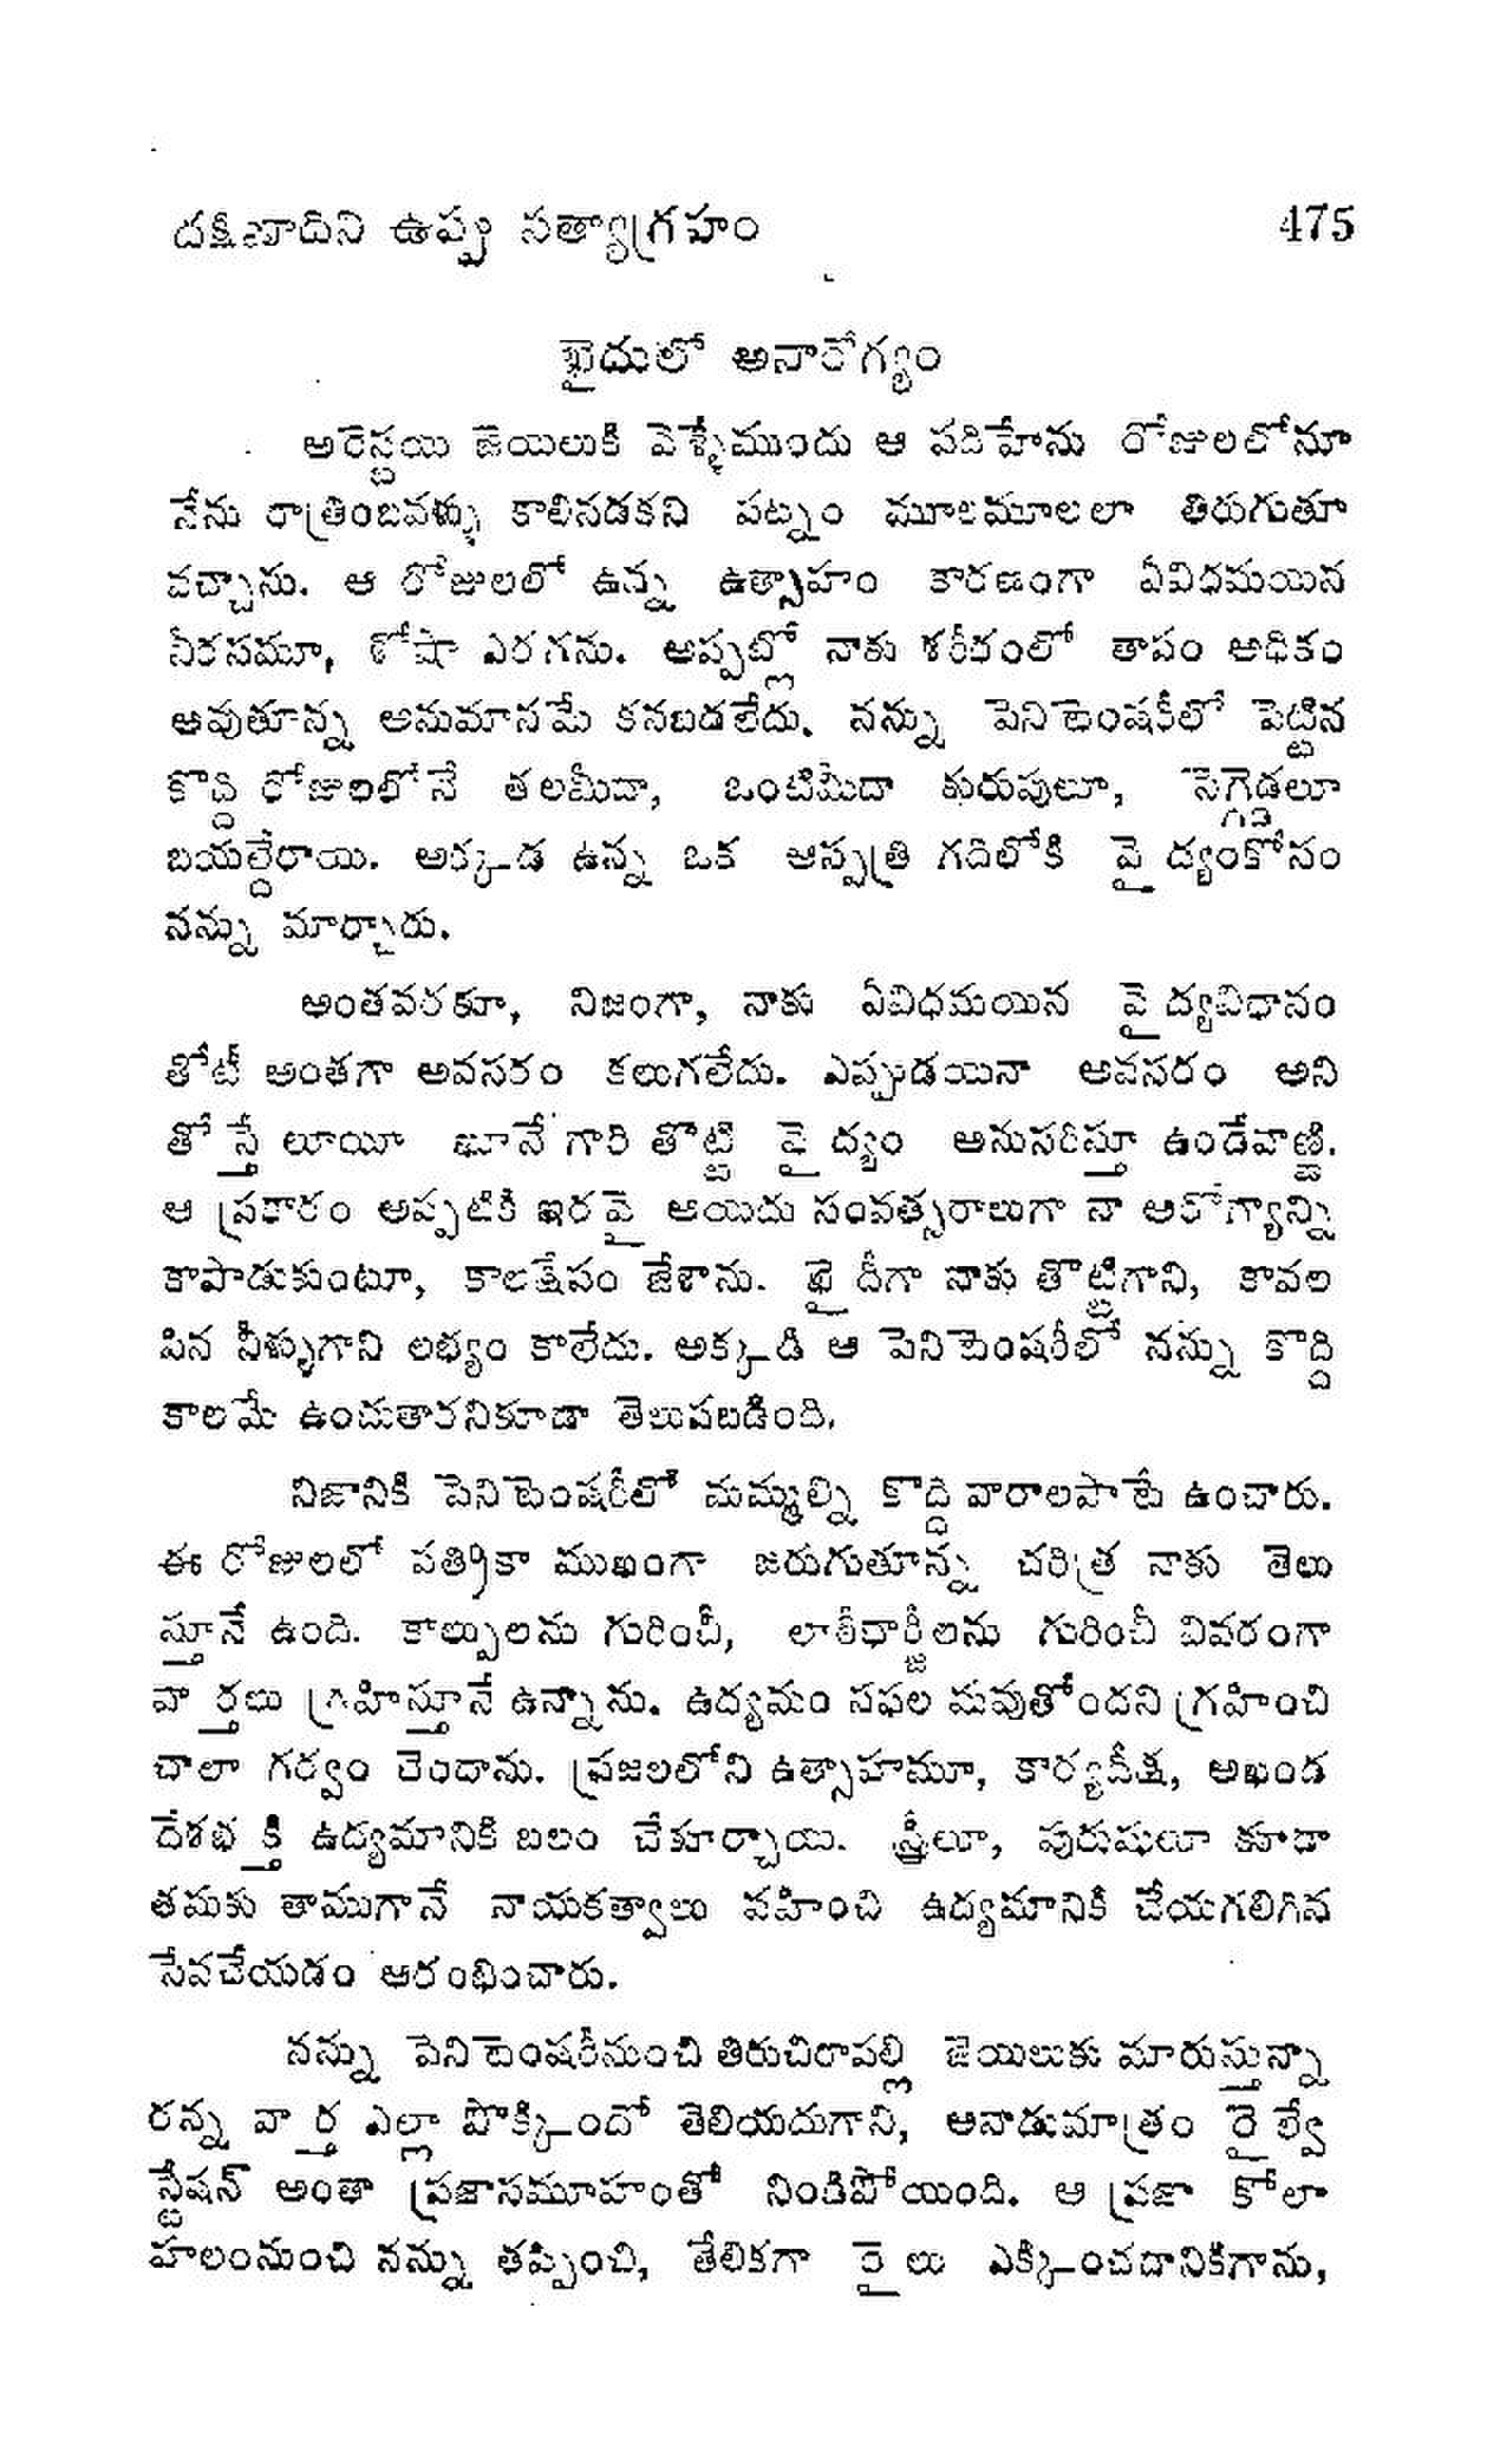అరెస్టయి జెయిలుకి వెళ్ళేముందు ఆ పదిహేను రోజులలోనూ నేను రాత్రింబవళ్ళు కాలినడకని పట్నం మూలమూలలా తిరుగుతూ వచ్చాను. ఆ రోజులలో ఉన్న ఉత్సాహం కారణంగా ఏవిధమయిన నీరసమూ, శోషా ఎరగను. అప్పట్లో నాకు శరీరంలో తాపం అధికం అవుతూన్న అనుమానమే కనబడలేదు. నన్ను పెనిటెంషరీలో పెట్టిన కొద్ది రోజులలోనే తలమీదా, ఒంటిమీదా కురుపులూ, సెగ్గెడ్డలూ బయల్దేరాయి. అక్కడ ఉన్న ఒక ఆస్పత్రి గదిలోకి వైద్యంకోసం నన్ను మార్చారు.

అంతవరకూ, నిజంగా, నాకు ఏవిధమయిన వైద్యవిధానంతోటీ అంతగా అవసరం కలుగలేదు. ఎప్పుడయినా అవసరం అని తోస్తే లూయీ ఖూనే గారి తొట్టి వైద్యం అనుసరిస్తూ ఉండేవాణ్ణి. ఆ ప్రకారం అప్పటికి ఇరవై అయిదు సంవత్సరాలుగా నా ఆరోగ్యాన్ని కాపాడుకుంటూ, కాలక్షేపం జేశాను. ఖైదీగా నాకు తొట్టిగాని, కావలసిన నీళ్ళుగాని లభ్యం కాలేదు. అక్కడి ఆ పెనిటెంషరీలో నన్ను కొద్దికాలమే ఉంచుతారనికూడా తెలుపబడింది.

నిజానికి పెనిటెంషరీలో మమ్మల్ని కొద్ది వారాలపాటే ఉంచారు. ఈ రోజులలో పత్రికా ముఖంగా జరుగుతూన్న చరిత్ర నాకు తెలుస్తూనే ఉంది. కాల్పులను గురించీ, లాఠీఛార్జీలను గురించీ వివరంగా వార్తలు గ్రహిస్తూనే ఉన్నాను. ఉద్యమం సఫల మవుతోందని గ్రహించి చాలా గర్వం చెందాను. ప్రజలలోని ఉత్సాహమూ, కార్యదీక్ష, అఖండ దేశభక్తి ఉద్యమానికి బలం చేకూర్చాయి. స్త్రీలూ, పురుషులూ కూడా తమకు తాముగానే నాయకత్వాలు వహించి ఉద్యమానికి చేయగలిగిన సేవచేయడం ఆరంభించారు.

నన్ను పెనిటెంషరీనుంచి తిరుచిరాపల్లి జెయిలుకు మారుస్తున్నారన్న వార్త ఎల్లా పొక్కిందో తెలియదుగాని, ఆనాడుమాత్రం రైల్వేస్టేషన్ అంతా ప్రజాసమూహంతో నిండిపోయింది. ఆ ప్రజా కోలాహలంనుంచి నన్ను తప్పించి, తేలికగా రైలు ఎక్కించడానికిగాను,